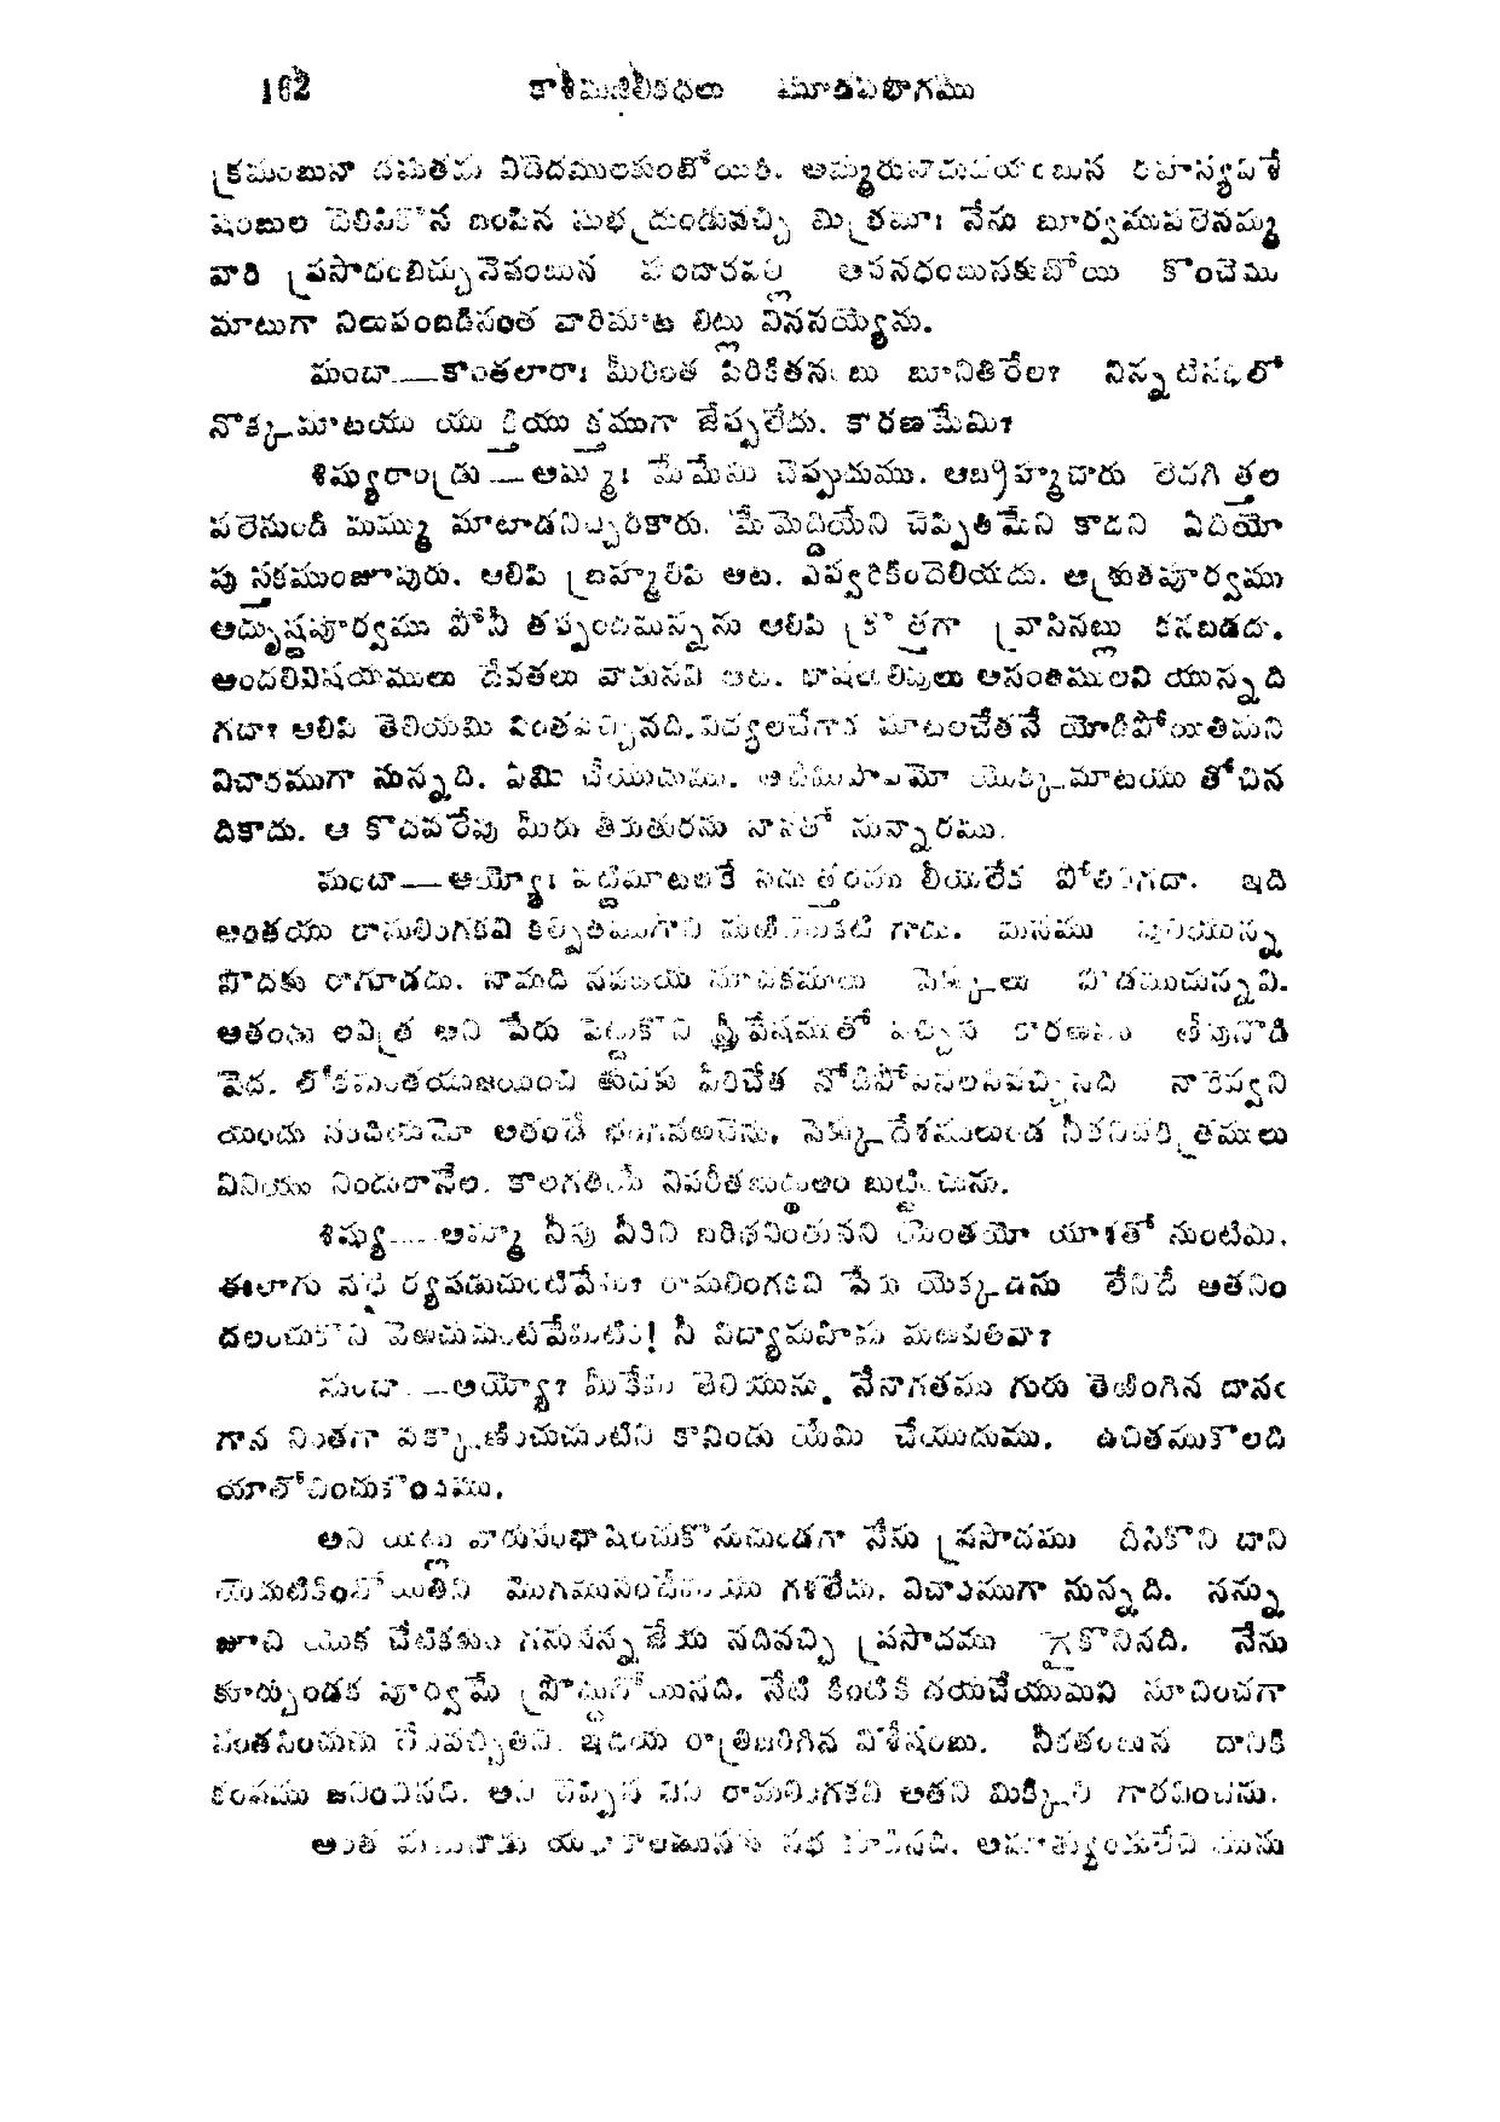క్రమంబునా దమతమ విడెదములకుంబోయిరి. అమ్మరునాడుదయంబున రహస్యవిశేషంబుల దెలిసికొన బంపిన సుభద్రుండువచ్చి మిత్రమా! నేను బూర్వమువలె నమ్మవారి ప్రసాదంబిచ్చు నెపంబున మందారవల్లి ఆవనధంబునకుబోయి కొంచెము మాటుగా నిలువంబడినంత వారిమాట లిట్లు విననయ్యెను.

మందా - కాంతలారా! మీరింత పిరికితనంబు బూనితిరేల? నిన్నటిసభలో నొక్కమాటయు యుక్తియుక్తముగా జెప్పలేదు. కారణమేమి?

శిష్యురాండ్రు - అమ్మా ! మేమేమి చెప్పుదుము. ఆబ్రహ్మచారు లెదగిత్తలవలెనుండి మమ్ము మాటాడనిచ్చిరికారు. మేమెద్దియేని చెప్పితిమేని కాదని ఏదియో పుస్తకముంజూపురు. ఆలిపి బ్రహ్మలిపి అట. ఎవ్వరికిందెలియదు. అశ్రుతపూర్వము అదృష్టపూర్వము పోనీ తప్పందమన్నను ఆలిపి క్రొత్తగా వ్రాసినట్లు కనబడదు. అందలివిషయములు దేవతలు వాడునవి అట . భాషలులిపులు అనంతములని యున్నది గదా? ఆలిపి తెలియమి నింతవచ్చినది. విద్యలచేగాక మాటలచేతనే యోడిపోయితిమని విచారముగా నున్నది. ఏమి చేయుదుము . అదేమిపాపమో యొక్కమాటయు తోచినదికాదు. ఆ కొదవరేపు మీరు తీరుతురసు నాసతో నున్నారము .

మందా - అయ్యో! వట్టిమాటలకే సదుత్తరము లీయలేక పోతిమిగదా. ఇది అంతయు రామలింగకవి కల్పితముగాని మఱియొకటి గాదు. మనము పులియున్న పొదకు రాగూడదు. నామది నపజయసూచకములు పెక్కులు పొడముచున్నవి. అతండు లవిత్ర అని పేరు పెట్టుకొని స్త్రీ వేషముతో వచ్చిన కారణము ఱేపునొడివెద. లోకమంతయు జయించి తుదకు వీరిచేత నోడిపోవలసివచ్చినది నాకెవ్వనియందు సందియమో ఆతండే భంగపఱచెను. పెక్కు దేశములుండ నీతనిచరిత్రములు వినియు నిందురానేల. కాలగతియే విపరీతబుద్దులం బుట్టించును.

శిష్యు - అమ్మా నీవు వీరిని బరిభవింతువని నెంతయో యాశతో నుంటిమి. ఈలాగు నధైర్యపడుచుంటివేమి? రామలింగకవి పేరు యెక్కడను లేనిదే ఆతనిం దలంచుకొని వెఱచుచుంటి వేమిటికి! నీ విద్యామహిమ మఱచితివా ?

మందా - అయ్యో? మీ కేమి తెలియును. నేనాగతము గురు తెఱింగినదానఁ గాన నింతగా వక్కాణించుచుంటిని కానిండు యేమి చేయుదుము. ఉచితముకొలది యాలోచించుకొందము.

అని యట్లు వారుసంభాషించుకొనుచుండగా నేను ప్రసాదము దీసికొని దాని యెదుటికింబోయితిని మొగమునందేమియు గళలేదు. విచారముగా నున్నది. నన్ను జూచి యొక చేటికకుం గనుసన్నజేయ నదివచ్చి ప్రసాదము గైకొనినది. నేను కూర్చుండక పూర్వమే ప్రొద్దుబోయినది. నేటి కింటికి దయచేయుమని సూచించగా సంతసించు లేచివచ్చితిని ఇదియ రాత్రిజరిగిన విశేషంబు. నీకతంబున దానికి కంపము జనించినది. అని చెప్పిన విని రామలింగకవి ఆతని మిక్కిలి గారవించెను.

అంత మఱునాడు యథాకాలమునకు సభ కూడినది. అమాత్యుండులేచి మును